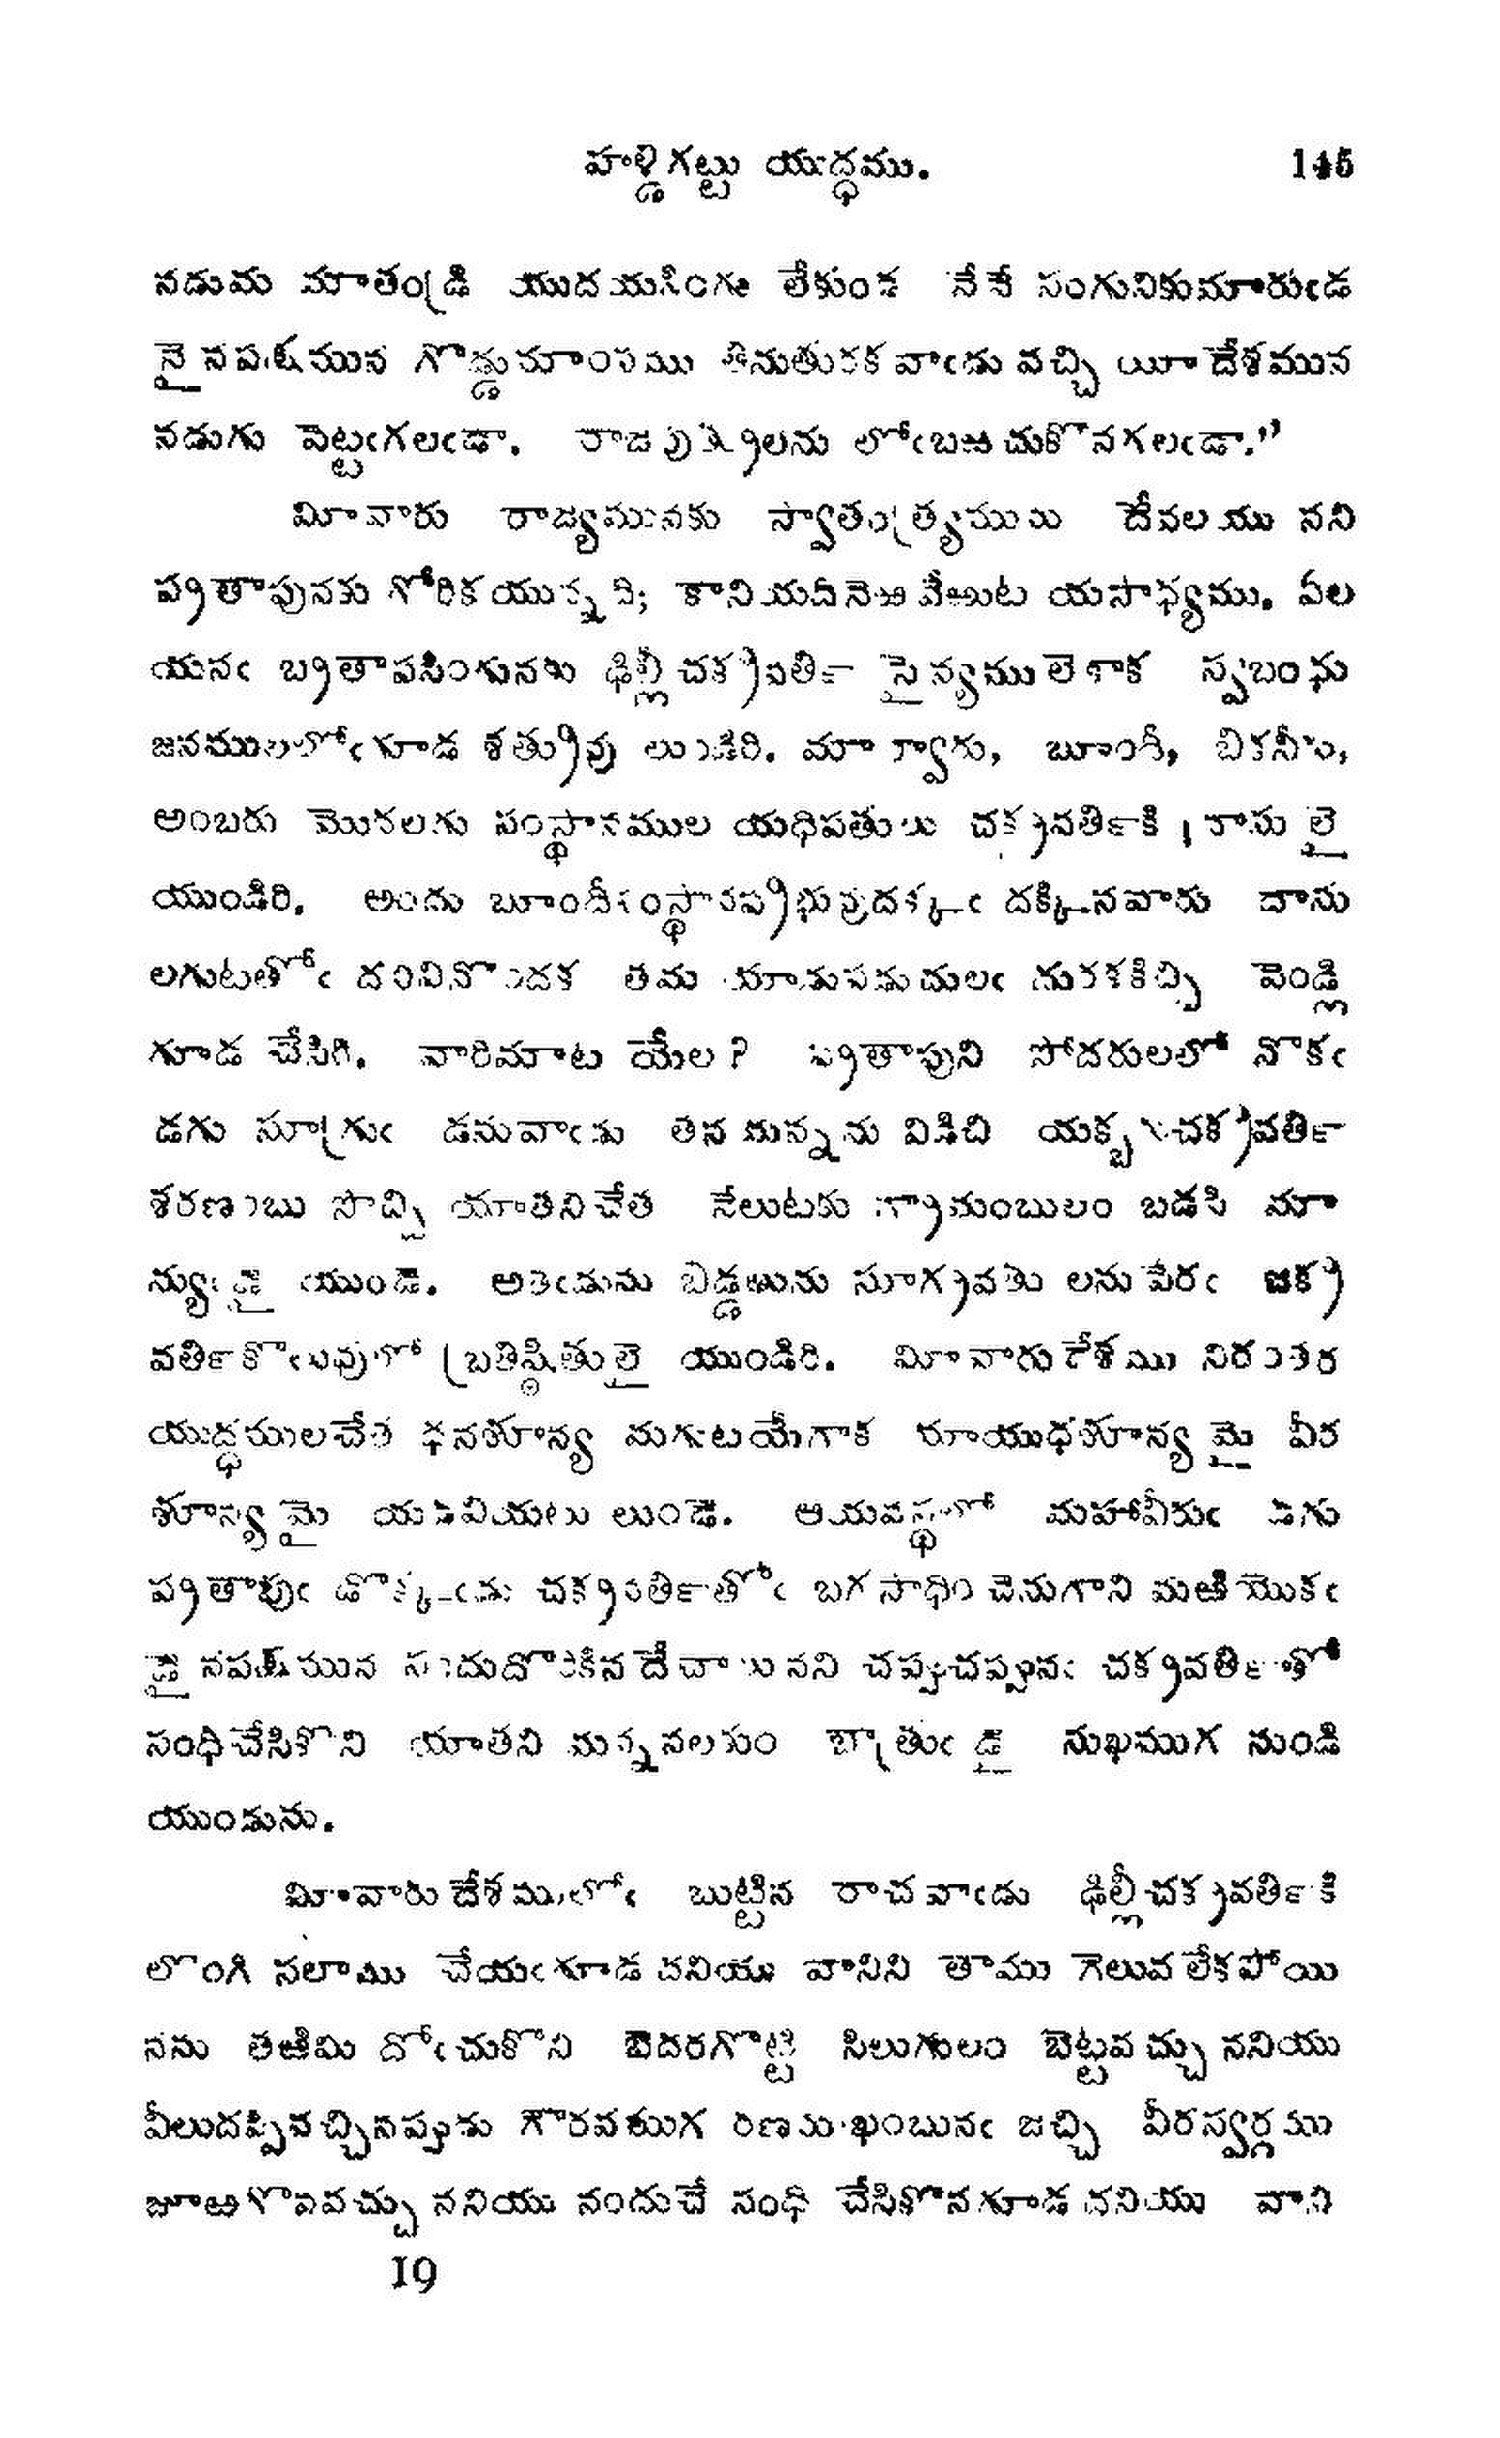నడుమ మాతండ్రి యుదయసింగు లేకుండ నేనే సంగునికుమారుఁడ నైనపక్షమున గొడ్డు మాంసము తినుతురక వాఁడు వచ్చి యీ దేశమున నడుగు పెట్టఁగలఁడా. రాజపుత్రులను లోఁబఱచుకొనగలఁడా.”

మీవారు రాజ్యమునకు స్వాతంత్రయము దేవలయునని ప్రతాపునకు గోరిక యున్నది; కాని యది నెఱవేఱుట యసాధ్యము. ఏలయనఁ బ్రతాపసింగునకు ఢిల్లీ చక్రవతి౯ సైన్యములెకాక స్వబంధు జనములలో గూడ శత్రువు లుండిరి. మార్వారు, బూందీ, బికనీరు, అంబరు మొదలగు సంస్థానముల యధిపతులు చక్రవతి౯కి దాసులై యుండిరి. అందు బూందీ సంస్థానప్రభువుదక్కఁ దక్కినవారు దాసు
లగుటతోఁ దనివి నోందక తమ యాడుపడుచులఁ దురక కిచ్చి పెండ్లి గూడ చేసిరి. వారిమాట యేల ? ప్రతాపుని సోదరులలో నొకఁ
డగు సూగ్రుఁ డనువాఁడు తన యన్నను విడిచి యక్బరు చక్రవతి౯ శరణంబు సోచ్చి యాతని చేత నేలుటకు గ్రామంబులం బడసి మా
న్యుఁడై యుండె. అతఁడును బిడ్డలును సూగ్రవతు లను పేరఁ జక్రవతి౯ కొఁలువు లో బ్రతిష్ఠితులై యుండిరి . మీవారు దేశము నిరంతర
యుద్ధములచేత ధనశూన్య మగుటయేగాక మాయుధ శూన్యమై వీర శూన్యమై యడవియటు లుండె. అయవస్థలో మహావీరుఁ డగు
ప్రతాపుఁ డొక్కఁడు చక్రవతి౯తో బగ సాధించెనుగాని మఱి యొకఁ డైనపక్షమున సందుదొరికినదే చాలునని చప్పుచప్పునఁ చక్రవతి౯తో
సంధి చేసికొని యాతని మన్ననలనుం బాత్రుండై సుఖముగ నుండి యుండును.

మివారు దేశములోఁ బుట్టిన రాచవాఁడు ఢిల్లీ చక్ర వతి౯కి లొంగి సలాము చేయఁగూడ దనియు వానిని తాము గెలువ లేకపోయినను తఱిమి దోఁచుకొని బెదరగొట్టి సిలుగులం బెట్టవచ్చు ననియు వీలుదప్పివచ్చినప్పుడు గౌరవముగ రణముఖంబునఁ జచ్చి వీరస్వర్గము
జూఱగోనవచ్చు ననియు నందుచే సంధి చేసికొనగూడ దనియు వాని